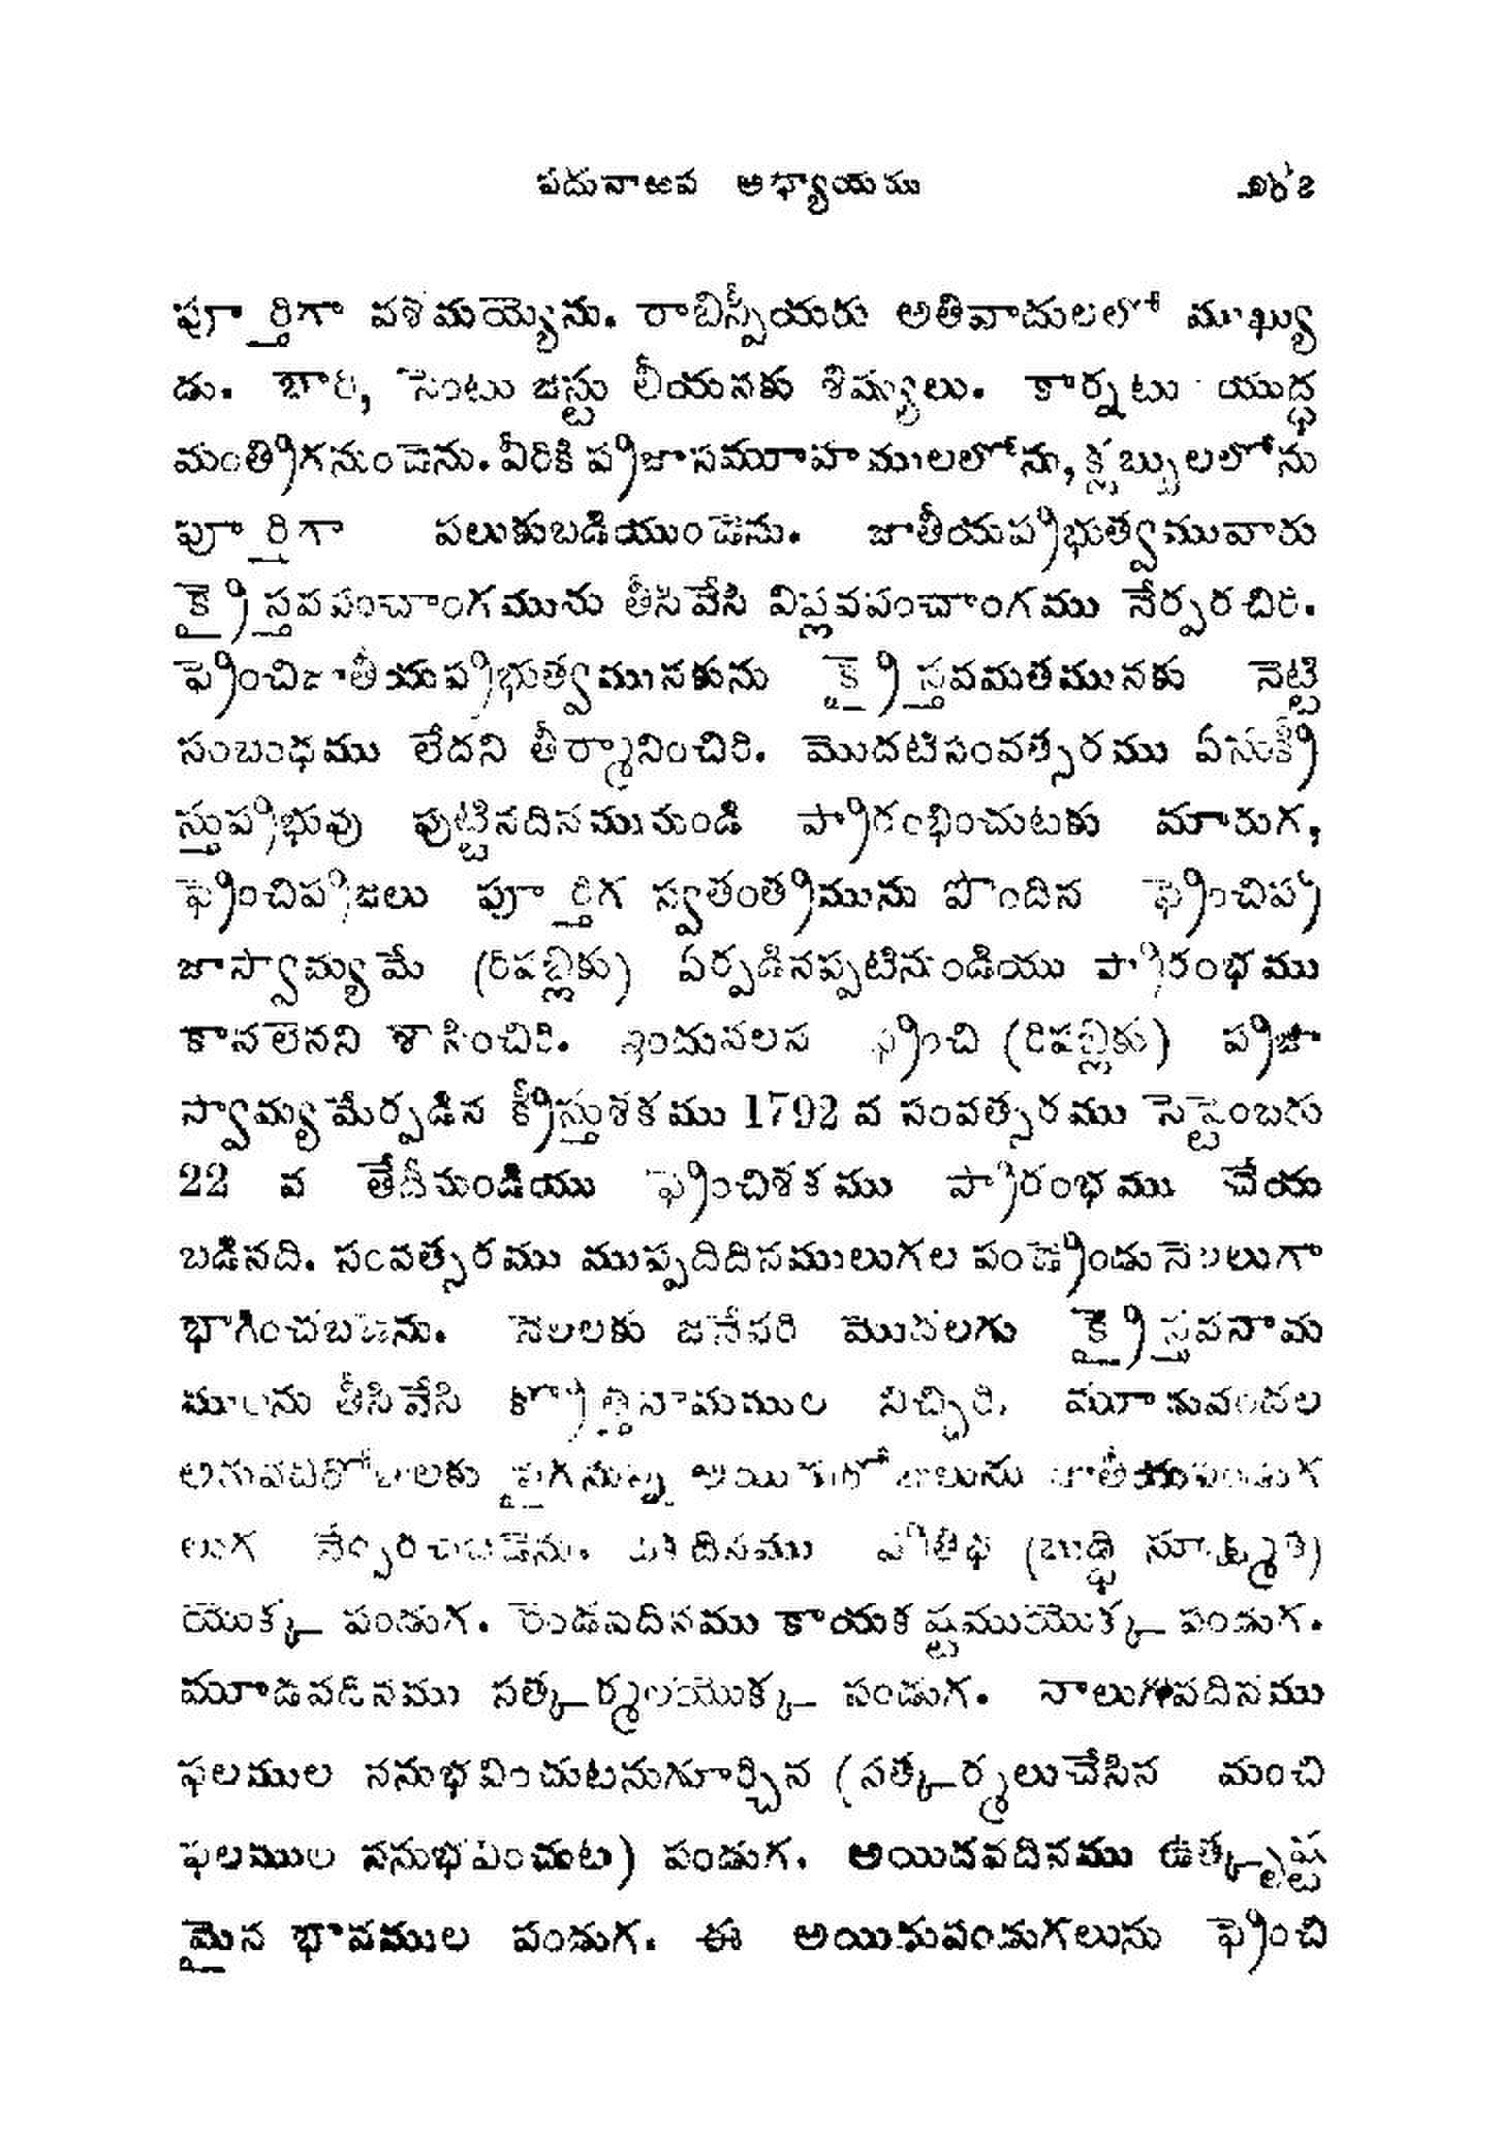పూరిగా
పూర్తిగా వశ మయ్యెను. రాబిస్పీయరు. అతివాదులలో ముఖ్యు
డు. బారి, సెంటు జస్టు లీయనకు శిష్యులు. కార్నటు యుద్ధ
మంత్రిగ నుండెను. వీరికి ప్రజాసమూహములలోను, క్లబ్బులలోను
పలుకుబడి యుండెను. జాతీయ ప్రభుత్వమువారు
క్రైస్తవ పంచాంగమును తీసి వేసి విప్లవపంచాంగము నేర్పర చిరి.
పెంచి తీయప్రభుత్వ ముసకును క్రైస్తవమతమునకు నెట్టి
సుబుధము లేదని తీర్మానించిరి. మొదటి సంవత్సరము ఏసుక్రీ
స్తు ప్రభువు పుట్టినదినము నుండి ప్రారంభించుటకు మారుగ,
ఫ్రెంచి ప్రజలు పూర్తిగా స్వతంత్యమును పొందిన ఫ్రెంచిప్ర
జాస్వామ్యమే (రిపబ్లికు) ఏర్పడినప్పటినుండియు పాకంభము
కావ లెనని శాసించిరి. ఇందువలస ఫ్రెంచి (రిపబ్లికు) ప్రజ
స్వామ్య 'మేర్పడిన క్రీస్తుశకము 1702 వ సంవత్సరము సెప్టెంబరు
22 వ తేదీ నుండియు 'ఫ్రెంచి శకము ప్రారంభము చేయ
బడినది. సంవత్సరము ముప్పది దినములుగల పండ్రెండు నెలలుగా
భాగించబడును. "నెలలకు జనవరి మొదలగు క్రైస్తవనామ
మటను తీసి వేసి క్రొత్త నామముల నిచ్చిరి. మూడు వందల అరువది
రోజులకు పైగ నుస్ను అయిదు రోజులను జాతీయ పండుగలుగ 
నేర్పరచబడెను. ఒక దినము ప్రతిభ (బుద్ధి సూక్ష్మత)యొక్క 
పండుగ. రెండాదినము కాయ కష్టము యొక్క పండుగ. మూడవ
దినము సత్కర్మలయొక్క పండగ. నాలుగవ దినము ఫలముల ననుభ
వించుటేఅను గూర్చిన (సత్కర్మలు చేసిన మంచి ఫలముల ననుభవించుట)
పండగ. అయిదవ దినము ఉత్కృష్టమైన భావముల పండుగ. ఈ అయిదు
పండుగలను ప్రెంచి